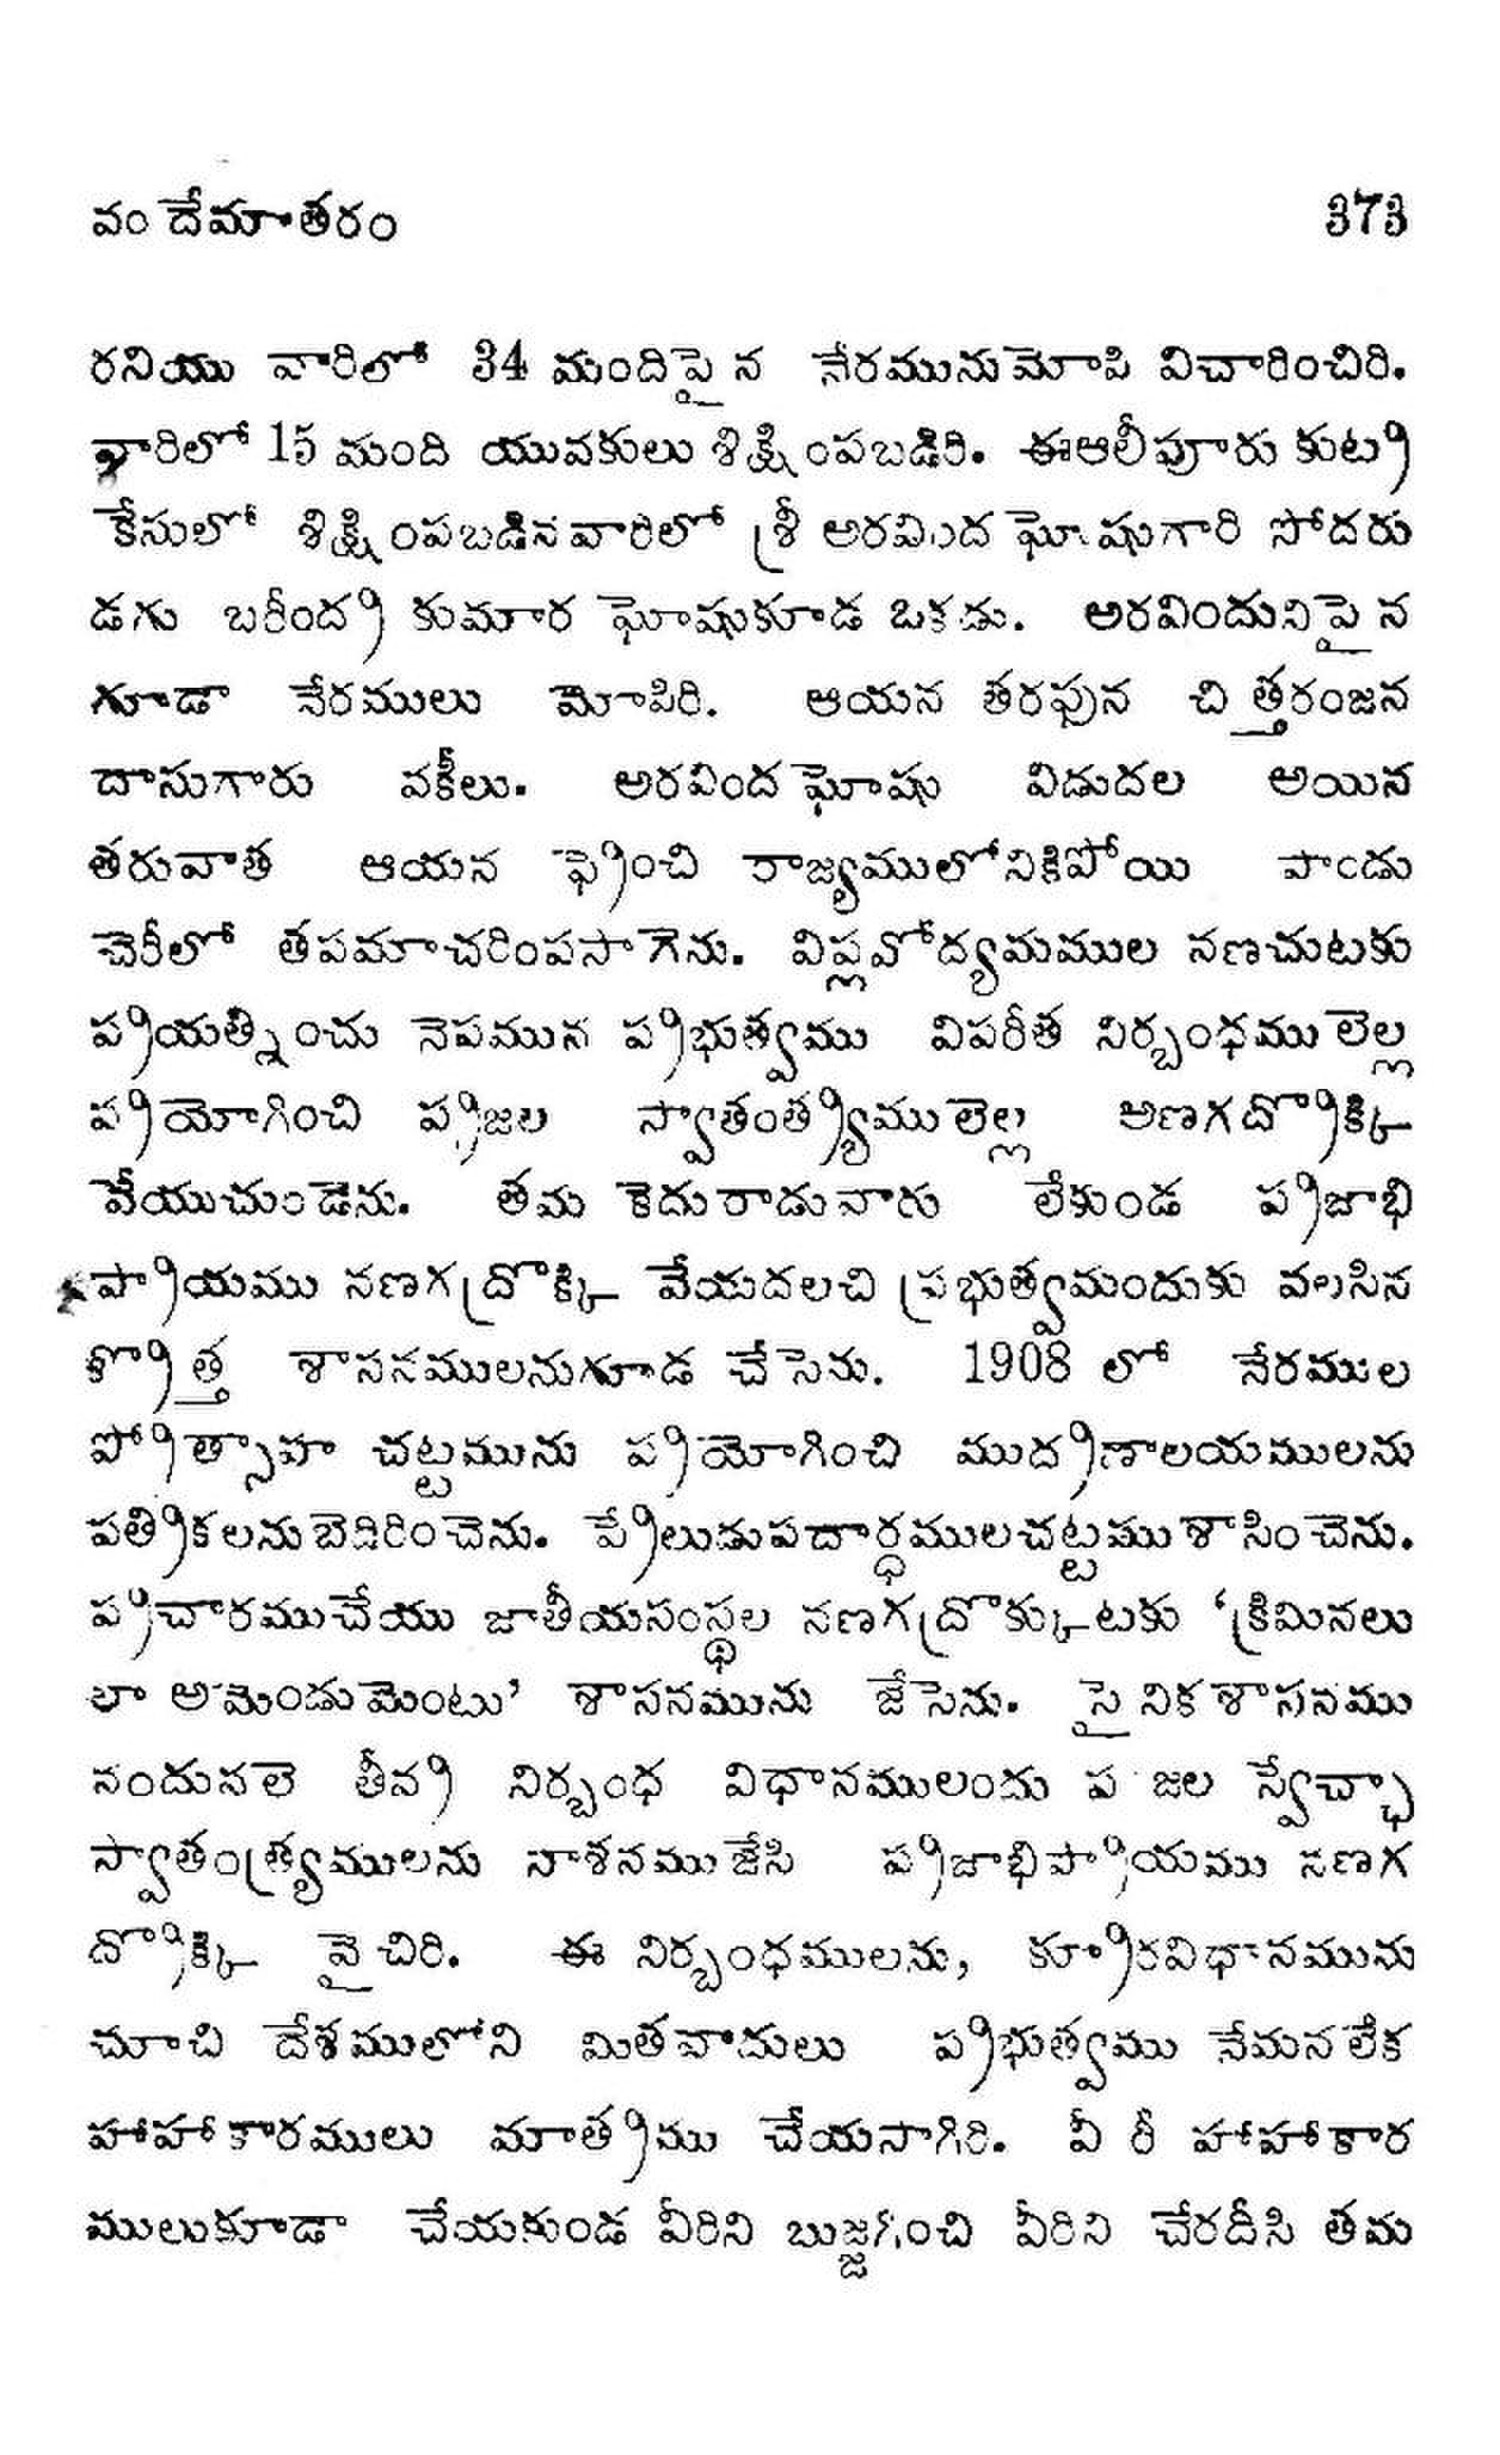రనియు వారిలో 34 మందిపైన నేరమునుమోపి విచారించిరి. వారిలో 15 మంది యువకులు శిక్షింపబడిరి. ఈ ఆలీపూరు కుట్రకేసులో శిక్షింపబడినవారిలో శ్రీ అరవిందఘోషుగారి సోదరుడగు బరీంద్ర కుమార ఘోషుకూడ ఒకడు. అరవిందునిపైన గూడా నేరములు మోపిరి. ఆయన తరఫున చిత్తరంజనదాసుగారు వకీలు. అరవిందఘోషు విడుదల అయిన తరువాత ఆయన ఫ్రెంచి రాజ్యములోనికిపోయి పాండుచెరీలో తపమాచరింపసాగెను. విప్లవోద్యమముల నణచుటకు ప్రయత్నించు నెపమున ప్రభుత్వము విపరీత నిర్బంధములెల్ల ప్రయోగించి ప్రజల స్వాతంత్ర్యములెల్ల అణగద్రొక్కి వేయుచుండెను. తమ కెదురాడువారు లేకుండ ప్రజాభిప్రాయము నణగద్రొక్కి వేయదలచి ప్రభుత్వమందుకు వలసిన క్రొత్త శాసనములనుగూడ చేసెను. 1908 లో నేరముల ప్రోత్సాహ చట్టమును ప్రయోగించి ముద్రణాలయములను పత్రికలను బెదిరించెను. ప్రేలుడుపదార్దములచట్టము శాసించెను. ప్రచారముచేయు జాతీయసంస్థల నణగద్రొక్కుటకు 'క్రిమినలు లా అమెండు మెంటు' శాసనమును జేసెను. సైనికశాసనము నందువలె తీవ్ర నిర్బంధ విధానములందు ప్రజల స్వేచ్చా స్వాతంత్ర్యములను నాశనముజేసి ప్రజాభిప్రాయము నణగద్రొక్కి వైచిరి. ఈ నిర్బంధములను, క్రూరవిధానమును చూచి దేశములోని మితవాదులు ప్రభుత్వము నేమనలేక హాహాకారములు మాత్రము చేయసాగిరి. వీ రీ హాహాకారములుకూడా చేయకుండ వీరిని బుజ్జగించి వీరిని చేరదీసి తమ